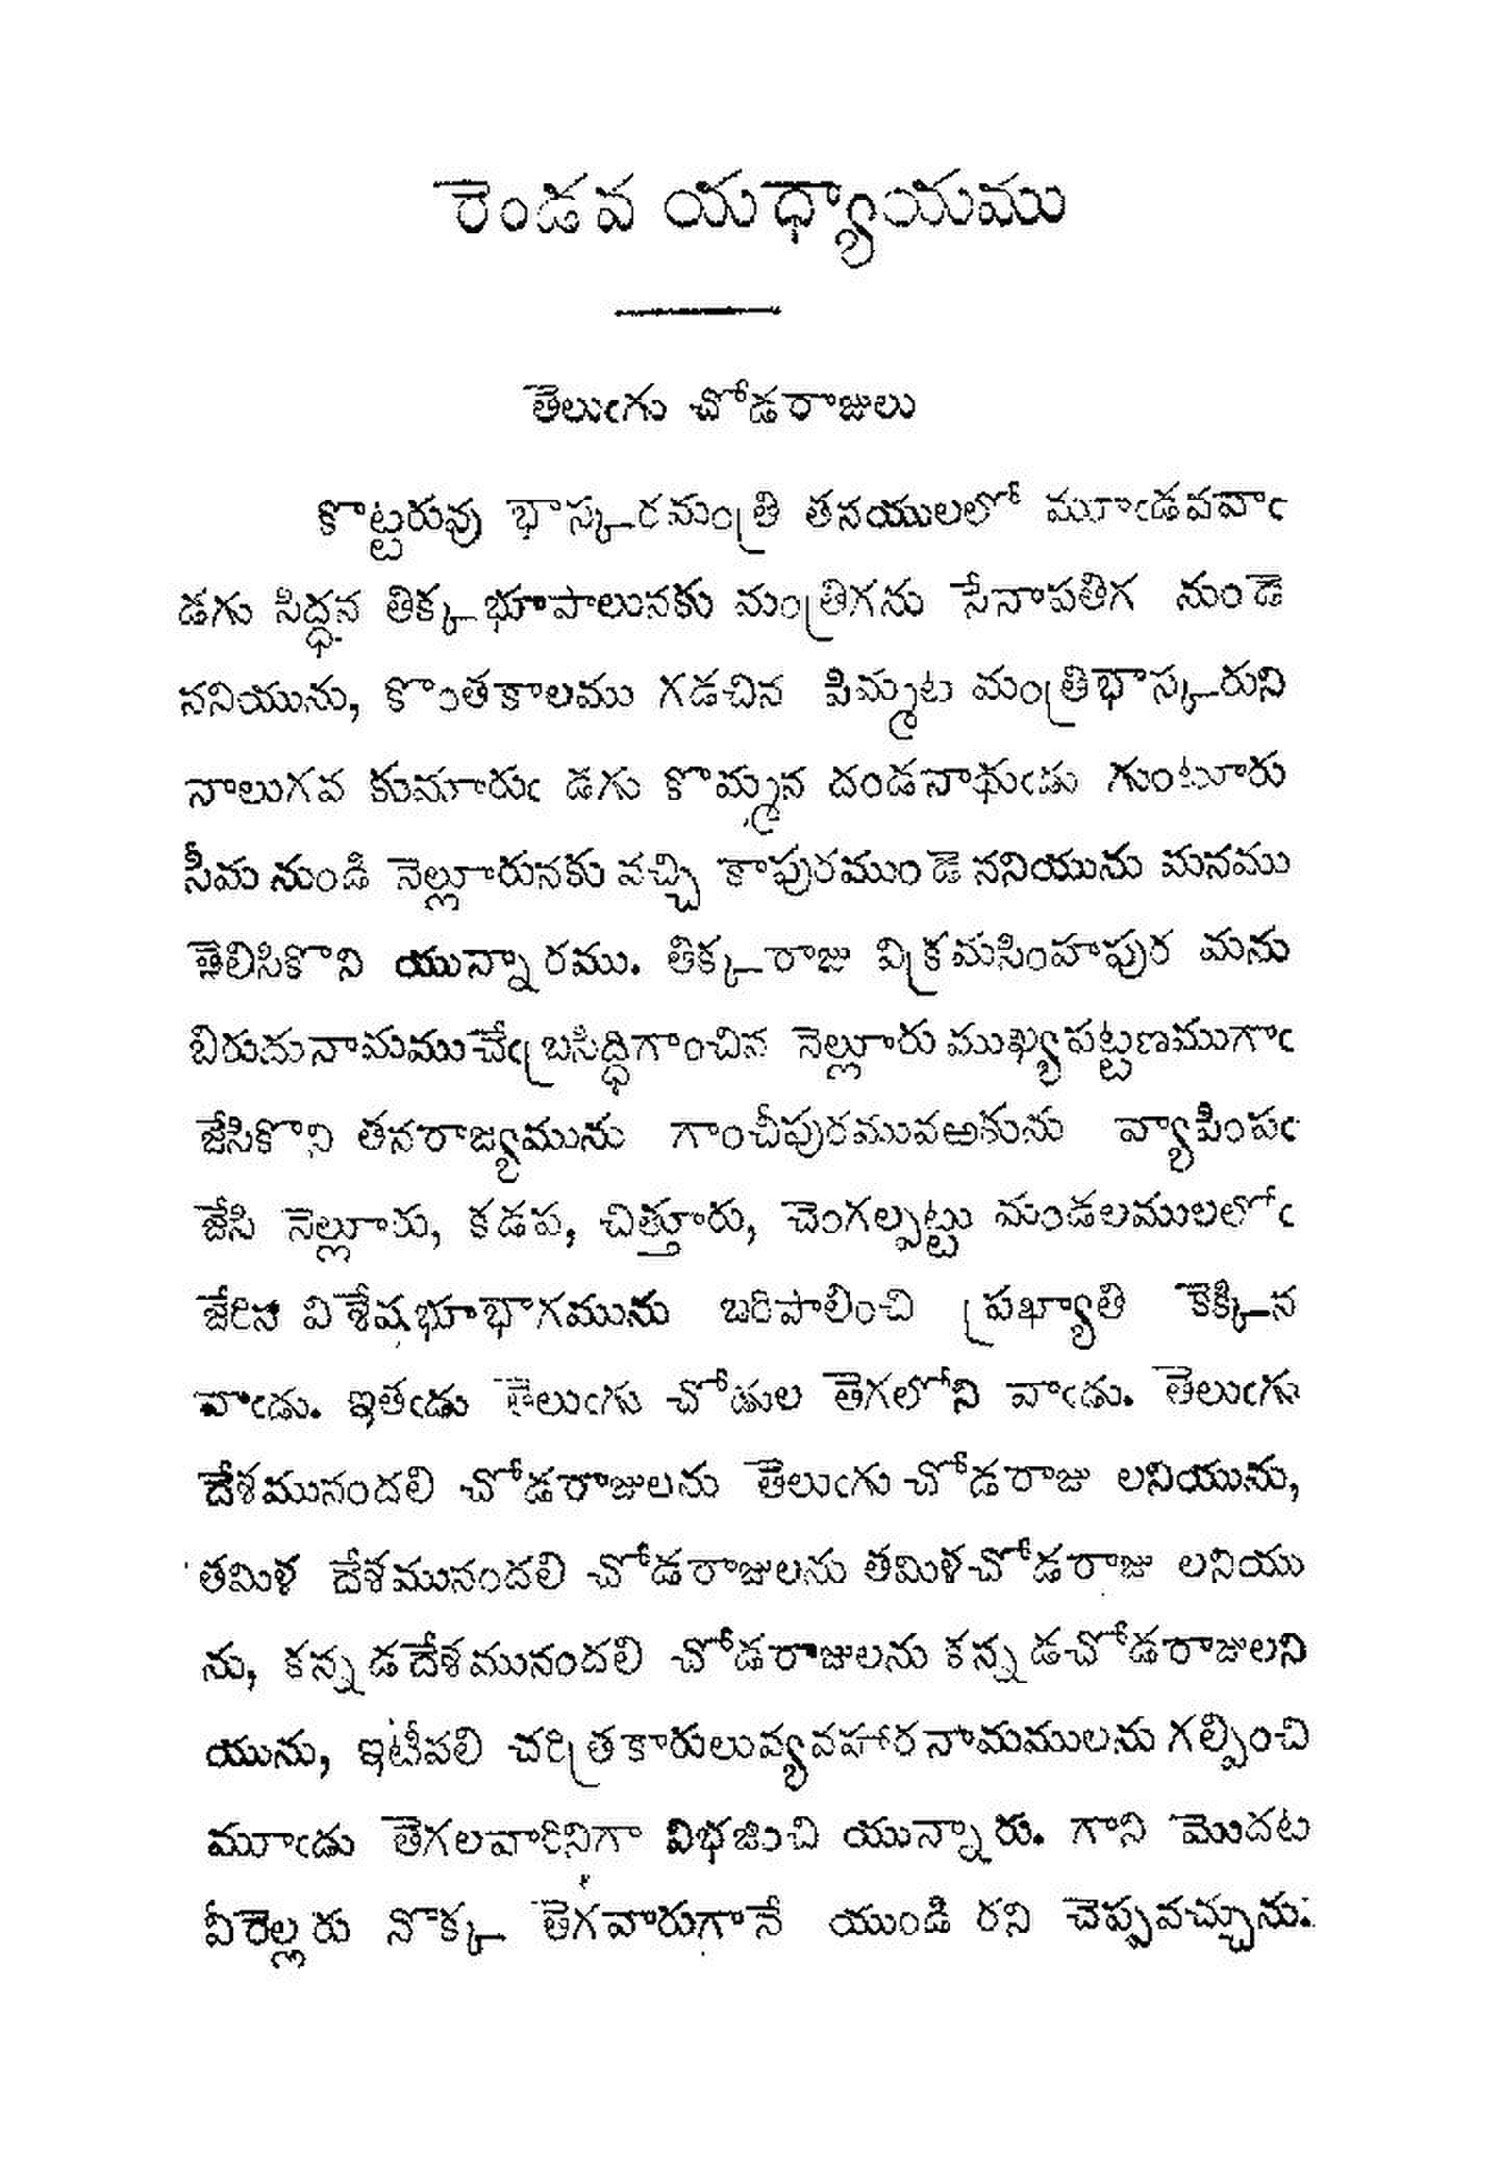రెండవ యధ్యాయము
తెలుఁగు చోడరాజులు 

కొట్టరువు భాస్కరమంత్రి తనయులలో మూఁడవవాఁడగు సిద్ధన తిక్కభూపాలునకు మంత్రిగను సేనాపతిగ నుండెననియును, కొంతకాలము గడచిన పిమ్మట మంత్రిభాస్కరుని నాలుగవ కుమారుఁ డగు కొమ్మన దండనాథుఁడు గుంటూరు సీమనుండి నెల్లూరునకు వచ్చి కాపురముండెననియును మనము తెలిసికొని యున్నారము. తిక్కరాజు విక్రమసింహపుర మను బిరుదునామముచేఁబ్రసిద్ధిగాంచిన నెల్లూరు ముఖ్యపట్టణముగాఁ జేసికొని తనరాజ్యమును గాంచీపురమువఱకును వ్యాపింపఁ జేసి నెల్లూరు, కడప, చిత్తూరు, చెంగల్పట్టు మండలములలోఁ జేరిన విశేషభూభాగమును బరిపాలించి ప్రఖ్యాతి కెక్కిన వాఁడు. ఇతఁడు తెలుఁగు చోడుల తెగలోని వాఁడు. తెలుఁగు దేశమునందలి చోడరాజులను తెలుఁగు చోడరాజు లనియును, తమిళ దేశమునందలి చోడరాజులను తమిళచోడరాజు లనియును, కన్నడదేశమునందలి చోడరాజులను కన్నడచోడరాజులనియును, ఇటీవలి చరిత్రకారులు వ్యవహారనామములను గల్పించి మూఁడు తెగలవారినిగా విభజించి యున్నారు. గాని మొదట వీరెల్లరు నొక్క తెగవారుగానే యుండి రని చెప్పవచ్చును.